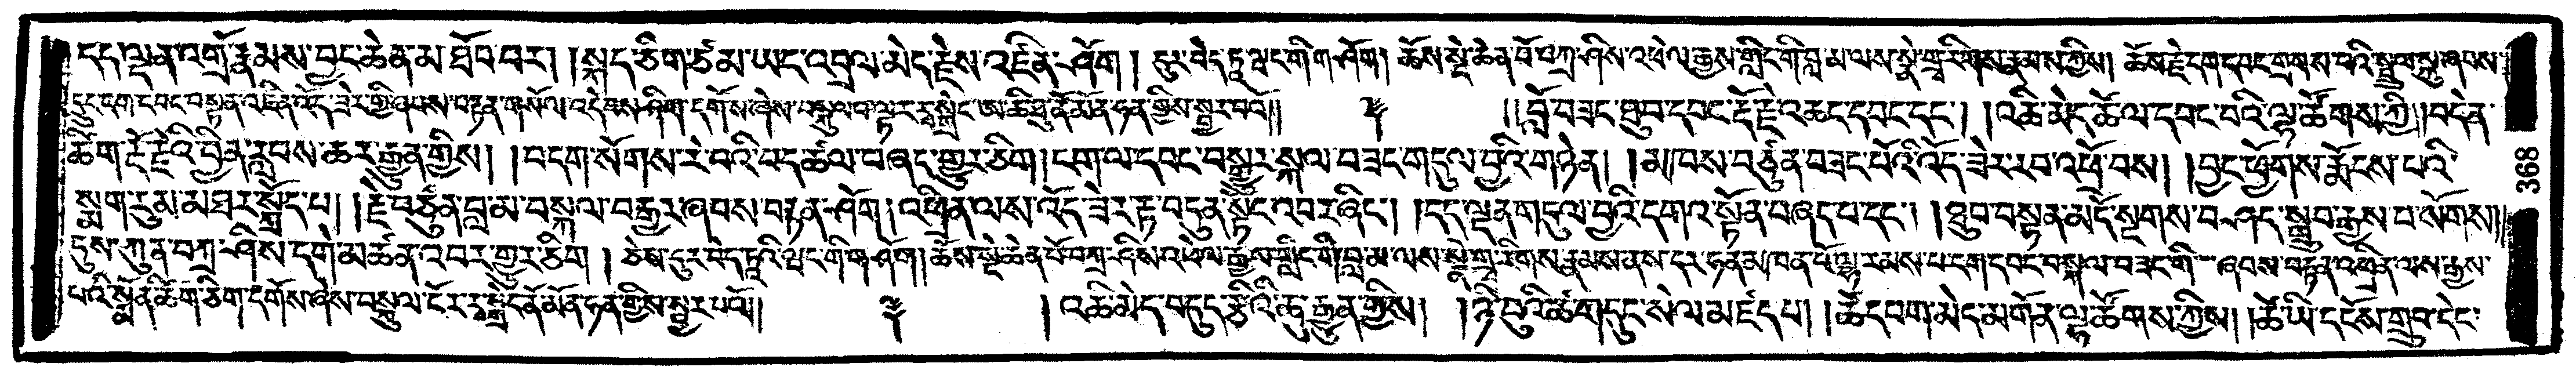དད་ལྡན་འགྲོ་རྣམས་བྱང་ཆེན་མ་ཐོབ་བར། །སྐད་ཅིག་ཙམ་ཡང་འབྲལ་མེད་རྗེས་འཛིན་ཤོག །ངུར་བེད་ཏཱ་ཝང་གི་གཤོག །ཆོས་སྡེ་ཆེན་པོ་བཀྲ་ཤིས་འཕེལ་རྒྱས་གླིང་གི་བླ་མ་ལས་སྣེ་གྲྭ་རིགས་རྣམས་ཀྱིས། ཆོས་རྗེ་ངག་དབང་གྲགས་པའི་སྤྲུལ་སྐུ་ཞབས་
དྲུང་ངག་དབང་བསྟན་འཛིན་འོད་ཟེར་གྱི་ཞབས་བརྟན་གསོལ་འདེབས་ཤིག་དགོས་ཞེས་བསྐུལ་བ་ལྟར་རྭ་སྒྲེང་ཨ་ཆི་ཐུ་ནོ་མོན་ཧན་གྱིས་སྦྱར་བའོ།། ༈ །།བློ་བཟང་ཐུབ་དབང་རྡོ་རྗེ་འཆང་དབང་དང་། །འཆི་མེད་ཚེ་ལ་དབང་བའི་ལྷ་ཚོགས་ཀྱི། །བདེན་
ཚིག་རྡོ་རྗེའི་བྱིན་རླབས་ཆར་རྒྱུན་གྱིས། །བདག་སོགས་རེ་བའི་པད་ཚལ་བཞད་གྱུར་ཅིག །ངག་ལ་དབང་བསྒྱུར་སྐལ་བཟང་གདུལ་བྱའི་གཉེན། །མཁས་བཙུན་བཟང་པོའི་འོད་ཟེར་རབ་འཕྲོ་བས། །བྱང་ཕྱོགས་རྨོངས་པའི་
སྨག་རུམ་མཐར་སྐྲོད་པ། །རྗེ་བཙུན་བླ་མ་བསྐལ་བརྒྱར་ཞབས་བརྟན་ཤོག །འཕྲིན་ལས་འོད་ཟེར་རྟ་བདུན་སྟོང་འབར་ཞིང་། །དད་ལྡན་གདུལ་བྱའི་དགའ་སྟོན་བཞད་པ་དང་། །ཐུབ་བསྟན་མདོ་སྔགས་བཤད་སྒྲུབ་རྒྱས་པ་སོགས། །
དུས་ཀུན་བཀྲ་ཤིས་དགེ་མཚན་འབར་གྱུར་ཅིག །ཅེས་དུར་བེད་ཏཱའི་ཝང་གི་གཤོག །ཆོས་སྡེ་ཆེན་པོ་བཀྲ་ཤིས་འཕེལ་རྒྱས་གླིང་གི་བླ་མ་ལས་སྣེ་གྲྭ་རིགས་རྣམས་ནས་དར་ཧན་མཁན་པོ་ལྷ་རམས་པ་ངག་དབང་བསྐལ་བཟང་གི་ཞབས་བརྟན་འཕྲིན་ལས་རྒྱས་
པའི་སྨོན་ཚིག་ཅིག་དགོས་ཞེས་བསྐུལ་ངོར་རྭ་སྒྲེང་ནོ་མོན་ཧན་གྱིས་སྦྱར་བའོ།། ༈ །འཆི་མེད་བདུད་རྩིའི་ཆུ་རྒྱུན་གྱིས། །ཉི་བུའི་ཚ་གདུང་སེལ་མཛད་པ། །ཚེ་དཔག་མེད་མགོན་ལྷ་ཚོགས་ཀྱིས། །ཚེ་ཡི་དངོས་གྲུབ་དེང་